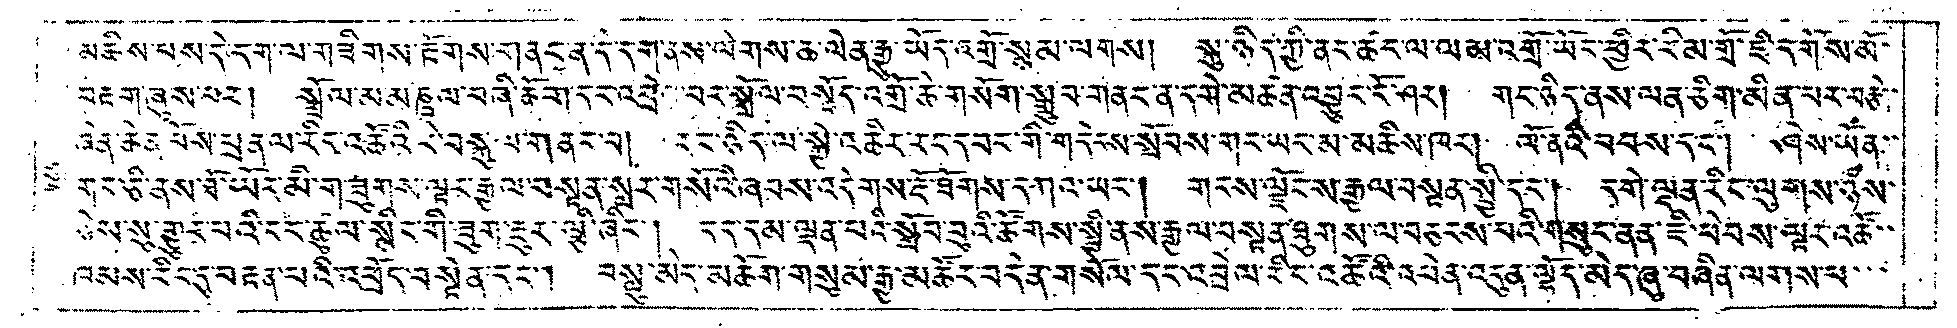མཆིས་པས་དེ་དག་ལ་གཟིགས་རྟོགས་གནང་ན་དེ་དག་ནས་ལེགས་ཆ་ལེན་རྒྱུ་ཡོད་འགྲོ་སྙམ་ལགས། སྐུ་ཉིད་ཀྱི་ནང་ཚང་ལ་ལམ་འགྲོ་ཡོང་ཕྱིར་རིམ་གྲོ་ཇི་དགོས་མོ་
བརྟག་ཞུས་པར། སྒྲོལ་མ་མཎྜལ་བཞི་ཆོག་དང་འབྲེལ་བར་སྒྲོལ་བསྟོད་འགྲོ་ཆེ་གསོག་སྒྲུབ་གནང་ན་དགེ་མཚན་འབྱུང་ངོ་ཤར། གང་ཉིད་ནས་ལན་ཅིག་མིན་པར་བརྩེ་
ཞེན་ཆེན་པོས་ཕྲན་ལ་རིང་འཚོའི་རེ་བསྐུལ་གནང་བ། རང་ཉིད་ལ་སྐྱེ་འཆིར་རང་དབང་གི་གདེངས་སྤོབས་གང་ཡང་མ་མཆིས་ཁར། ལོ་ནའི་བབས་དང་། ཤེས་ཡོན་
གང་ཅི་ནས་ཐོ་ཡོར་མི་གཟུགས་ལྟར་རྒྱལ་བསྟན་སླར་གསོའི་ཞབས་འདེགས་རྔོ་ཐོགས་དཀའ་ཡང་། གངས་ལྗོངས་རྒྱལ་བསྟན་སྤྱི་དང་། དགེ་ལྡན་རིང་ལུགས་ཉམས་
ཉེས་སུ་གྱུར་པའི་ངང་ཚུལ་སྙིང་གི་ཟུག་རྔུར་ལྕི་ཞིང་། དད་དམ་ལྡན་པའི་སློབ་བུའི་ཚོགས་སྤྱི་ནས་རྒྱལ་བསྟན་ཐུགས་ལ་བཅངས་པའི་གསུང་ནན་ཇི་ཕེབས་ལྟར་འཚོ་
ཁམས་རིང་དུ་བརྟན་པའི་འཕྲོད་བསྟེན་དང་། བསླུ་མེད་མཆོག་གསུམ་རྒྱ་མཚོར་བདེན་གསོལ་དང་འབྲེལ་རིང་འཚོའི་འཕེན་འདུན་ལྷོད་མེད་ཞུ་བཞིན་ལགས་པ་